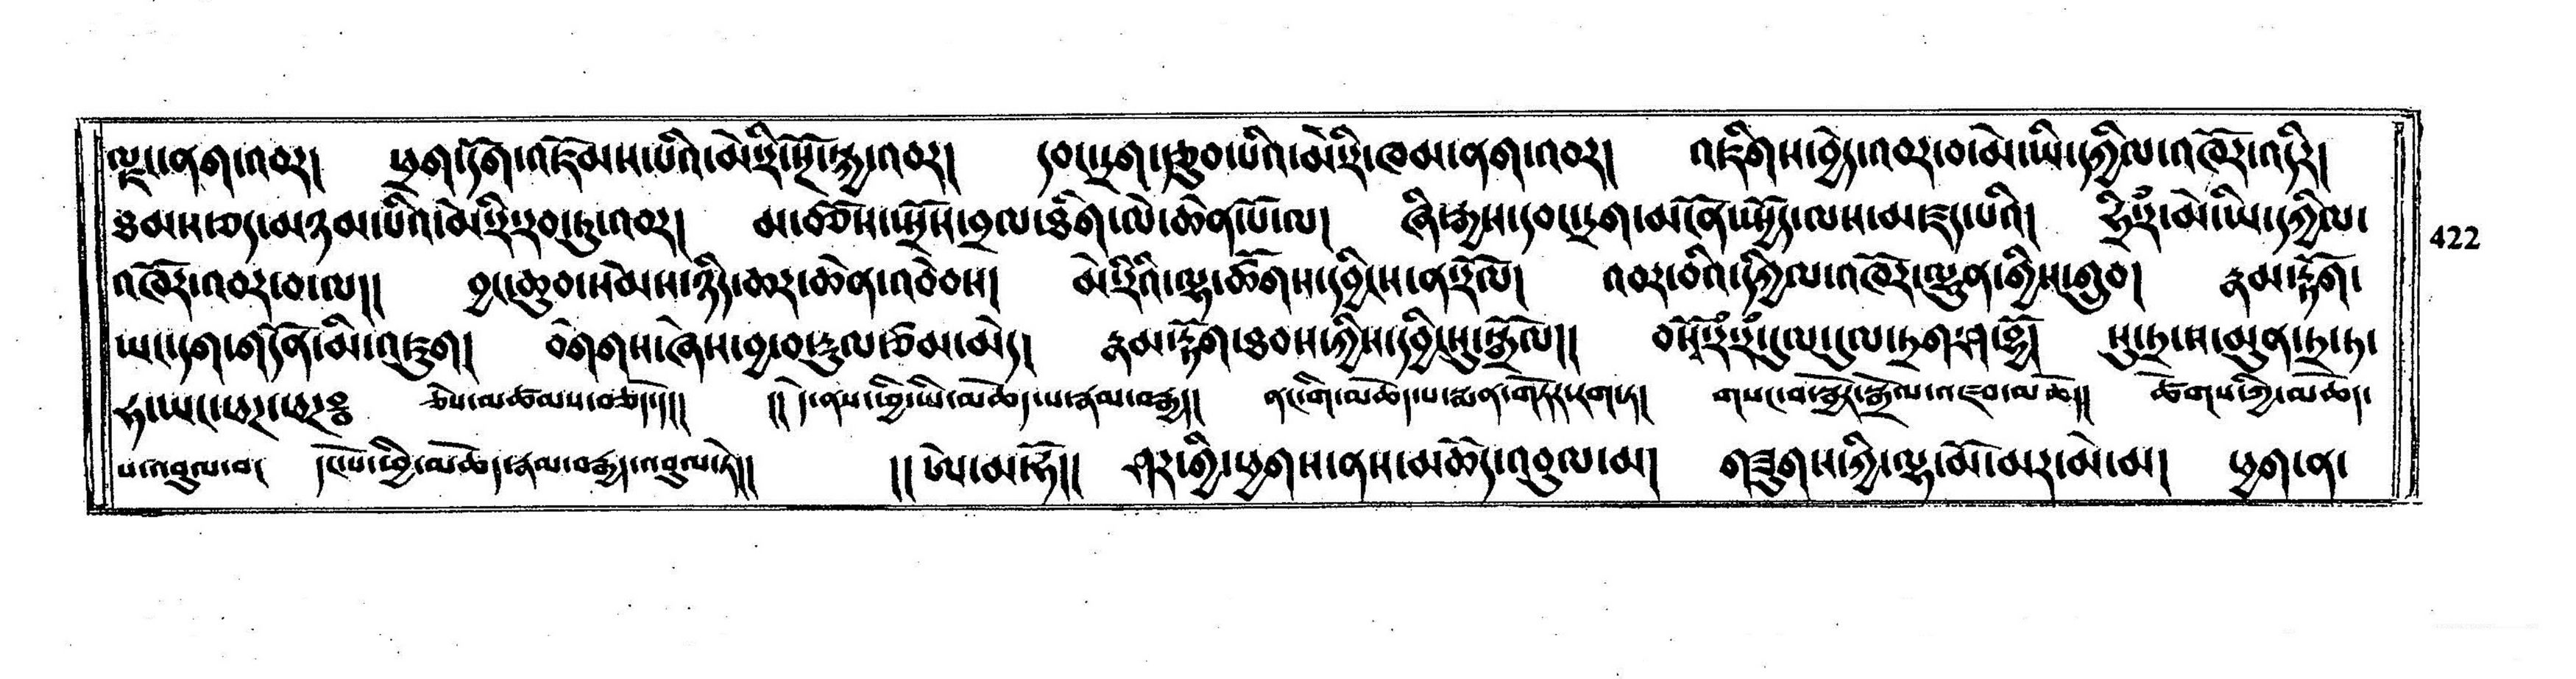ལྗང་ནག་འབར། ཕྲག་དོག་འཇོམས་པའི་མེ་རི་སྔོ་སྐྱ་འབར། དབང་དྲག་རྩུབ་པའི་མེ་རི་ཁམ་ནག་འབར། འཇིགས་བྱེད་འབར་བ་མེ་ཡི་དཀྱིལ་འཁོར་འདིར། 
ཐམས་ཅད་མཉམ་པའི་མེ་རི་རབ་ཏུ་འབར། མ་བཅོས་སྤྲོས་བྲལ་ཐིག་ལེ་ཆེན་པོ་ལ། ཞི་རྒྱས་དབང་དྲག་མངོན་སྤྱོད་ལས་མཛད་པའི། ཧྲི་རཾ་མེ་ཡི་དཀྱིལ་
འཁོར་འབར་བ་ལ།། བྱང་ཆུབ་སེམས་ཉིད་ཆར་ཆེན་འབེབས། མེ་རིའི་ལྷ་ཚོགས་དབྱིངས་ན་རོལ། འབར་བའི་དཀྱིལ་འཁོར་ལྷུན་གྱིས་གྲུབ། རྣམ་རྟོག་
ཡང་དག་གདོན་མི་འཇུག བགེགས་ཞེས་བྱ་བ་རྡུལ་ཙམ་མེད། རྣམ་རྟོག་ཐབས་ཀྱིས་དབྱིངས་སུ་སྒྲོལ།། བསྭོ་རཾ་རཾ་དུལ་དུལ་ཏྲག་ཤ་བྷྱོ། སུ་ཏྲ་ས་མུན་ཏྲ་ཏ་
ཧ་ཡང་ཕཊ་ཕཊ༔ ཅེས་མཚམས་བཅད་དོ།། དེ་ནས་ཕྱི་ཡི་མཆོད་པ་རྣམ་བརྒྱད། ནང་གི་མཆོད་པ་སྨན་གཏོར་རག་ཏ། གསང་བ་སྦྱོར་སྒྲོལ་འཛབ་མཆོད། ཚོགས་ཀྱི་མཆོད་
པ་འབུལ་བ། དང་པོ་ཕྱི་མཆོད་རྣམ་བརྒྱད་འབུལ་ཏེ།། །།ཨེ་མ་ཧོ།། ཤར་གྱི་ཕྱོགས་ནས་མཆོད་འབུལ་མ། གཟུགས་{433}ཀྱི་ལྷ་མོ་མར་མེ་མ། ཕྱག་ན་